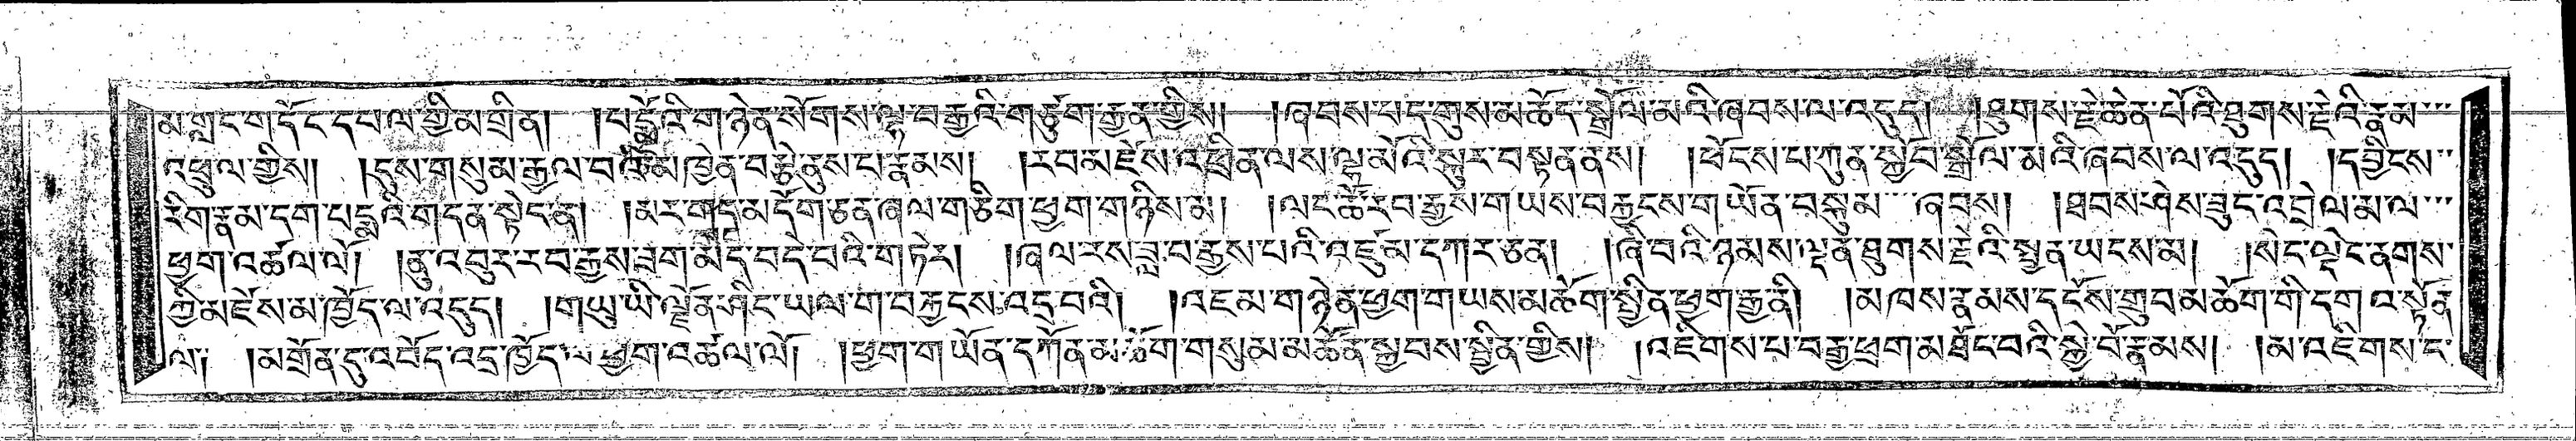མ་གླང་གདོང་དཔལ་གྱི་མགྲིན། །པདམོའི་གཉེན་སོགས་ལྷ་བརྒྱའི་གཙུག་རྒྱན་གྱིས། །ཞབས་པད་གུས་མཆོད་སྒྲོལ་མའི་ཞབས་ལ་འདུད། །ཐུགས་རྗེ་ཆེན་པོའི་ཐུགས་རྗེའི་རྣམ་
འཕྲུལ་གྱིས། །དུས་གསུམ་རྒྱལ་བའི་མཁྱེན་བརྩེ་ནུས་པ་རྣམས། །རབ་མཛེས་འཕྲིན་ལས་ལྷ་མོའི་སྐུར་བསྟན་ནས། །ཕོངས་པ་ཀུན་སྐྱོབ་སྒྲོལ་མའི་ཞབས་ལ་འདུད། །དབྱིངས་
རིག་རྣམ་དག་པདམའི་གདན་སྟེང་ན། །མར་གད་མདོག་ཅན་ཞལ་གཅིག་ཕྱག་གཉིས་མ། །ལང་ཚོ་རབ་རྒྱས་གཡས་བརྐྱངས་གཡོན་བསྐུམ་ཞབས། །ཐབས་ཤེས་ཟུང་འགྲེལ་མ་ལ་
ཕྱག་འཚལ་ལོ། །ནུ་འབུར་རབ་རྒྱས་ཟག་མེད་བདེ་བའི་གཏེར། །ཞལ་རས་ཟླ་བ་རྒྱས་པའི་འཛུམ་དཀར་ཅན། །ཞི་བའི་ཉམས་ལྡན་ཐུགས་རྗེའི་སྤྱན་ཡངས་མ། །སེང་ལྡེང་ནགས་
ཀྱི་མཛེས་མ་ཁྱོད་ལ་འདུད། །གཡུ་ཡི་ལྗོན་ཤིང་ཡལ་ག་བརྐྱངས་འདྲ་བའི། །འཇམ་གཉེན་ཕྱག་གཡས་མཆོག་སྤྱིན་ཕྱག་རྒྱ་ནི། །མཁས་རྣམས་དངོས་གྲུབ་མཆོག་གི་དགའ་སྟོན་
ལ༑ །མགྲོན་དུ་འབོད་འདྲ་ཁྱོད་ལ་ཕྱག་འཚལ་ལོ། །ཕྱག་གཡོན་དཀོན་མཆོག་གསུམ་མཚོན་སྐྱབས་སྦྱིན་གྱིས། །འཇིགས་པ་བརྒྱ་ཕྲག་མཐོང་བའི་སྐྱེ་བོ་རྣམས། །མ་འཇིགས་ང་